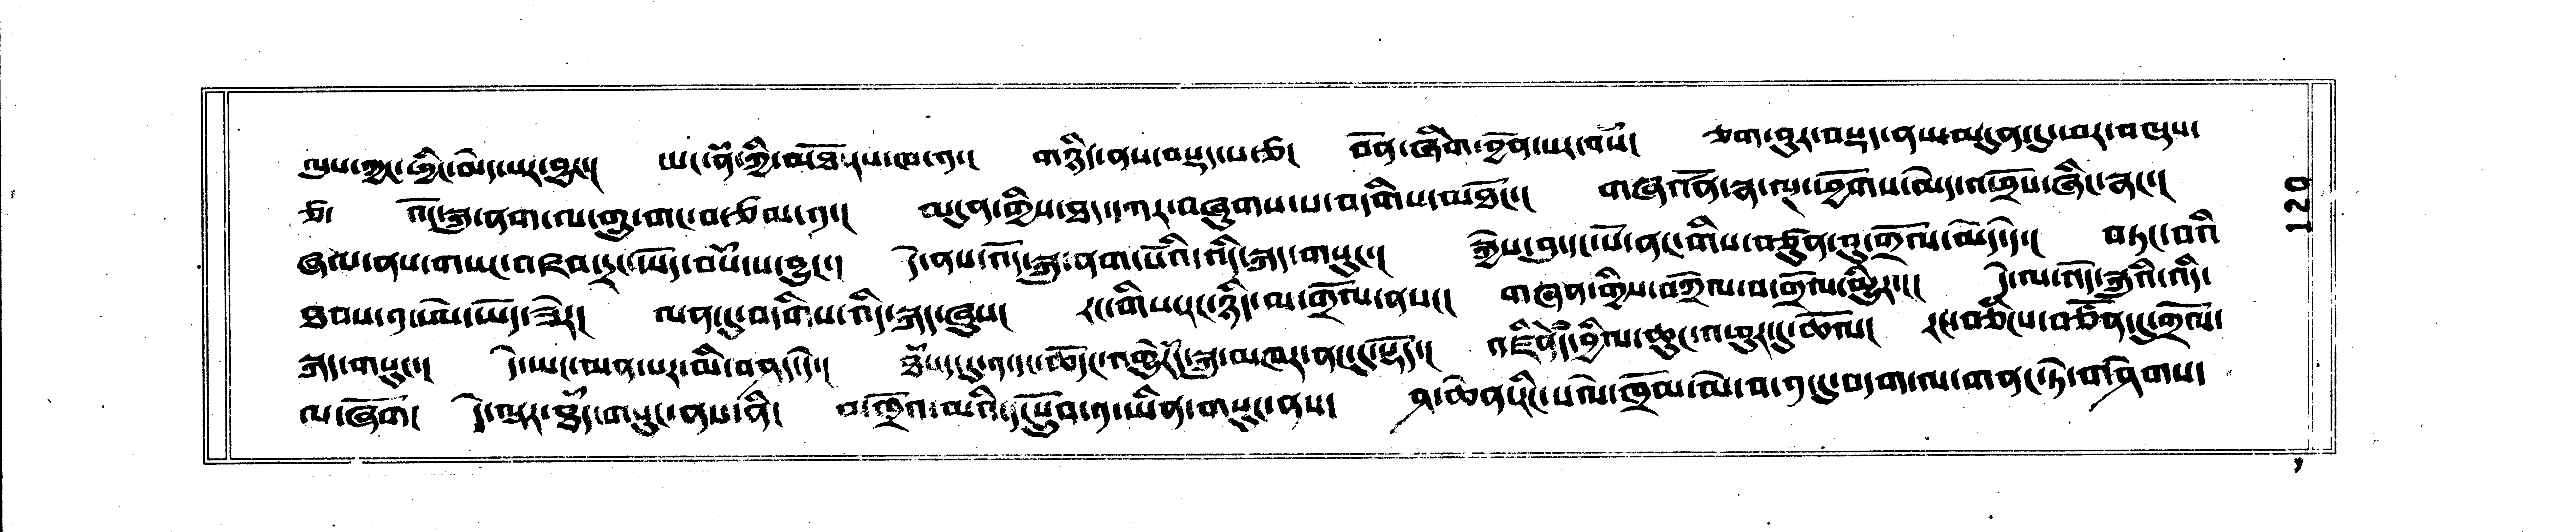ལུས་ཀྱང་ཕྱི་ནང་མེད་པར་བྱུང་། ཡང་ནམ་གྱི་མཐོ་རས་ཁ་གཅིག གཉིད་ནས་བསྡད་པ་ཙ། བོན་༼པོ༽ཞིག་བྱོན་པར་བསམ། ཅོག་བུར་བསྡད་ནས་མདུན་དུ་ཕར་བལྟས་
ཙ། འོང་སྐུ་ནག་ལ་གྲུ་གང་བ་ཙམ་གཅིག མདུན་གྱི་ཐད་ཀར་བཞུགས་པ་བདག་གིས་མཐོང་། གཞའ་ཚོན་སྣ་ལྔ་ཕྱོགས་མེད་འཕྲོ་ཞིང་སྣང་། 
ཞལ་ནས་གསང་འཛབ་དྲང་ཡོད་བསམ་པ་བྱུང་། དེ་ནས་འོད་སྐུ་ནག་པོའི་འདི་སྐད་གསུང་། སྐྱེས་བུ་དང་པོ་ནང་གི་བཙོན་བུ་གྲོལ་མེད་དེ། བཏང་༼གཏོང་༽བའི་
ཐབས་གཅིག་ཨེ་ཡོད་ཟེར། ལན་དུ་བདག་གིས་འདི་སྐད་ཞུས། རང་གིས་རང་ཉིད་ལ་གྲོལ་ན། གཞན་གྱིས་བཀྲོལ་བས་གྲོལ་མི་འགྱུར། དེ་ལ་འོད་སྐུའི་འདི་
སྐད་གསུང་། དེ་ཡང་མན་པར་མི་བཤད་དེ། ཐམས་ཅད་དུ་གཅིག་དང་ཆོད་དང་འགྱུར་མེད་སྐུ་མཁར་ནང་དུ་སྡོད། འཛིན་མེད་བྱིལ་ཆུང་འཕུར་དུ་ཆོལ། རང་བཅིངས་བཙོན་དུ་གྲོལ་
ལ་ཞོག དེ་ལྟར་ཐམས་ཅད་གསུངས་ནས་ནི། མཁའ་འགྲོ་མའི་དངོས་གྲུབ་གཅིག་ཡིན་གསུང་ནས། ཤ་ཆེན་རིང་བསྲེལ་ཁྲོམ་མེ་བ་གཅིག་ཏུ་བདག་ལ་གནང་ཏེ་གཤེགས་